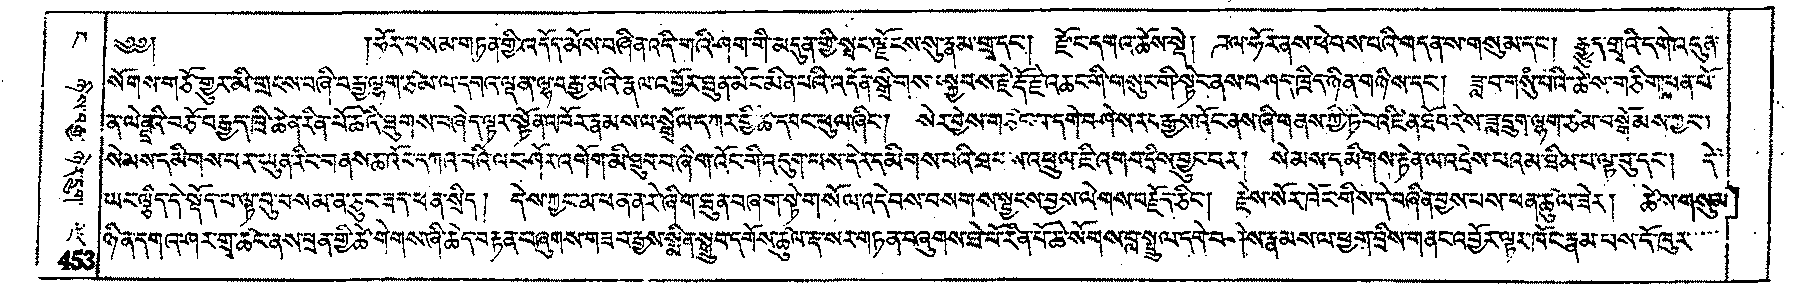༄༅། །ཧོར་བསམ་གཏན་གྱི་འདོད་མོས་བཞིན་འདི་གའི་ཤག་གི་མདུན་གྱི་སྤང་ལྗོངས་སུ་རྣམ་གྲྭ་དང་། རྫོང་དགའ་ཆོས་སྡེ། ཌལ་ཧོར་ནས་ཕེབས་པའི་གདན་ས་གསུམ་དང་། རྒྱུད་གྲྭའི་དགེ་འདུན་
སོགས་གཙོ་གྱུར་མི་གྲངས་བཞི་བརྒྱ་ལྷག་ཙམ་ལ་དགའ་ལྡན་ལྷ་བརྒྱ་མའི་རྣལ་འབྱོར་ཐུན་མོང་མིན་པའི་འདོན་སྒྲིགས་༧སྐྱབས་རྗེ་རྡོ་རྗེ་འཆང་གི་གསུང་གི་སྟེང་ནས་བཤད་ཁྲིད་ཉིན་གཉིས་དང་། ཟླ་བ་གསུམ་པའི་ཚེས་གཅིག་ལ་ཕན་པོ་
ན་ལེནྡྲའི་བཅོ་བརྒྱད་ཁྲི་ཆེན་རིན་པོ་ཆེའི་ཐུགས་བཞེད་ལྟར་སྟོན་འཁོར་རྣམས་ལ་སྒྲོལ་དཀར་གྱི་ཚེ་དབང་ཕུལ་ཞིང་། སེར་བྱེས་གཙང་པ་དགེ་བཤེས་རབ་རྒྱས་འོང་ནས་ཞི་གནས་ཀྱི་ཏིང་འཛིན་ཐོབ་རེས་ཟླ་དྲུག་ལྷག་ཙམ་བསྒོམས་ཀྱང་།
སེམས་དམིགས་པར་ཡུན་རིང་གནས་ཆ་འོང་དཀའ་བའི་ལང་ཤོར་འགོག་མི་ཐུབ་པ་ཞིག་འོང་གི་འདུག་པས་དེར་དམིགས་པའི་ཐབས་འཕྲུལ་ཇི་འགབ་དྲིས་བྱུང་བར། སེམས་དམིགས་རྟེན་ལ་འདྲེས་པའམ་ཐིམ་པ་ལྟ་བུ་དང་། དེ་
ཡང་ལྕིད་དེ་སྡོད་པ་ལྟ་བུ་བསམ་ན་ཅུང་ཟད་ཕན་སྲིད། དེས་ཀྱང་མ་ཕན་ན་རེ་ཞིག་ཐུན་བཞག་སྟེ་གསོལ་འདེབས་བསགས་སྦྱངས་བྱས་ལེགས་བརྗོད་ཅིང་། རྗེས་སོར་ཁོང་གིས་དེ་བཞིན་བྱས་པས་ཕན་ཚུལ་ཟེར། ཚེས་གསུམ་
ཉིན་དགའ་ཤར་གྲྭ་ཚང་ནས་ཕྲན་གྱི་ཚེ་གེགས་ཞི་ཆེད་བརྟན་བཞུགས་གཟབ་རྒྱས་སྨིན་སྒྲུབ་དགོས་ཚུལ་རྡ་སར་གཏན་བཞུགས་ཐེ་པོ་རིན་པོ་ཆེ་སོགས་བླ་སྤྲུལ་དགེ་བཤེས་རྣམས་ལ་ཕྱག་བྲིས་གནང་འབྱོར་ལྟར་ཁོང་རྣམ་པས་དོ་ཁུར་